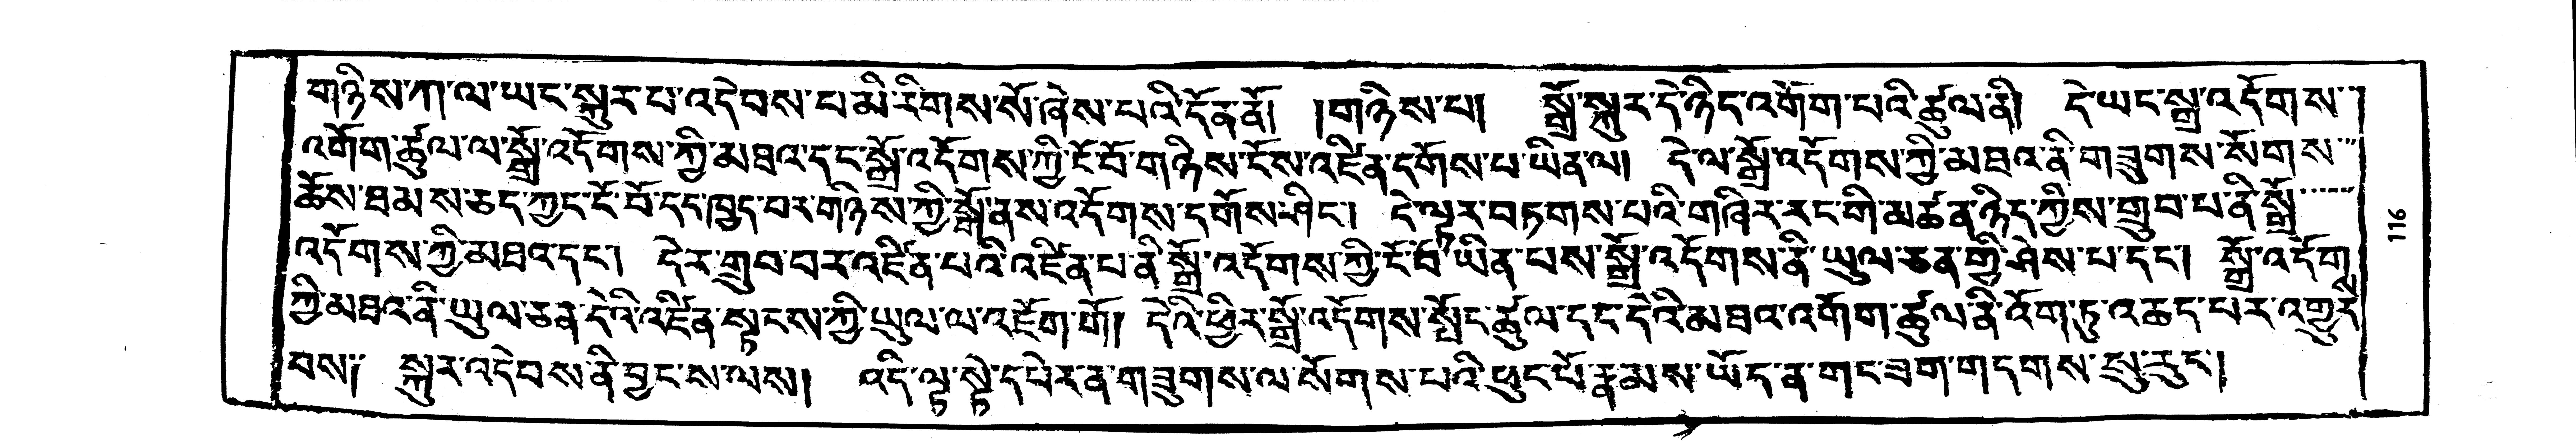གཉིས་ཀ་ལ་ཡང་སྐུར་པ་འདེབས་པ་མི་རིགས་སོ་ཞེས་པའི་དོན་ནོ། །གཉིས་པ། སྒྲོ་སྐུར་དེ་ཉིད་འགོག་པའི་ཚུལ་ནི། དེ་ཡང་སྒྲ་འདོགས་
འགོག་ཚུལ་ལ་སྒྲོ་འདོགས་ཀྱི་མཐའ་དང་སྒྲོ་འདོགས་ཀྱི་ངོ་བོ་གཉིས་ངོས་འཛིན་དགོས་པ་ཡིན་ལ། དེ་ལ་སྒྲོ་འདོགས་ཀྱི་མཐའ་ནི་གཟུགས་སོགས་
ཆོས་ཐམས་ཅད་ཀྱང་ངོ་བོ་དང་ཁྱད་པར་གཉིས་ཀྱི་སྒོ་ནས་འདོགས་དགོས་ཤིང་། དེ་ལྟར་བཏགས་པའི་གཞིར་རང་གི་མཚན་ཉིད་ཀྱིས་གྲུབ་པ་ནི་སྒྲོ་
འདོགས་ཀྱི་མཐའ་དང་། དེར་གྲུབ་པར་འཛིན་པའི་འཛིན་པ་ནི་སྒྲོ་འདོགས་ཀྱི་ངོ་བོ་ཡིན་པས་སྒྲོ་འདོགས་ནི་ཡུལ་ཅན་གྱི་ཤེས་པ་དང་། སྒྲོ་འདོགས་
ཀྱི་མཐའ་ནི་ཡུལ་ཅན་དེའི་འཛིན་སྟངས་ཀྱི་ཡུལ་ལ་འཇོག་གོ། དེའི་ཕྱིར་སྒྲོ་འདོགས་སྤོང་ཚུལ་དང་དེའི་མཐའ་འགོག་ཚུལ་ནི་འོག་ཏུ་འཆད་པར་འགྱུར་
བས། སྐུར་འདེབས་ནི་བྱང་ས་ལས། འདི་ལྟ་སྟེ་དཔེར་ན་གཟུགས་ལ་སོགས་པའི་ཕུང་པོ་རྣམས་ཡོད་ན་གང་ཟག་གདགས་སུ་རུང་།